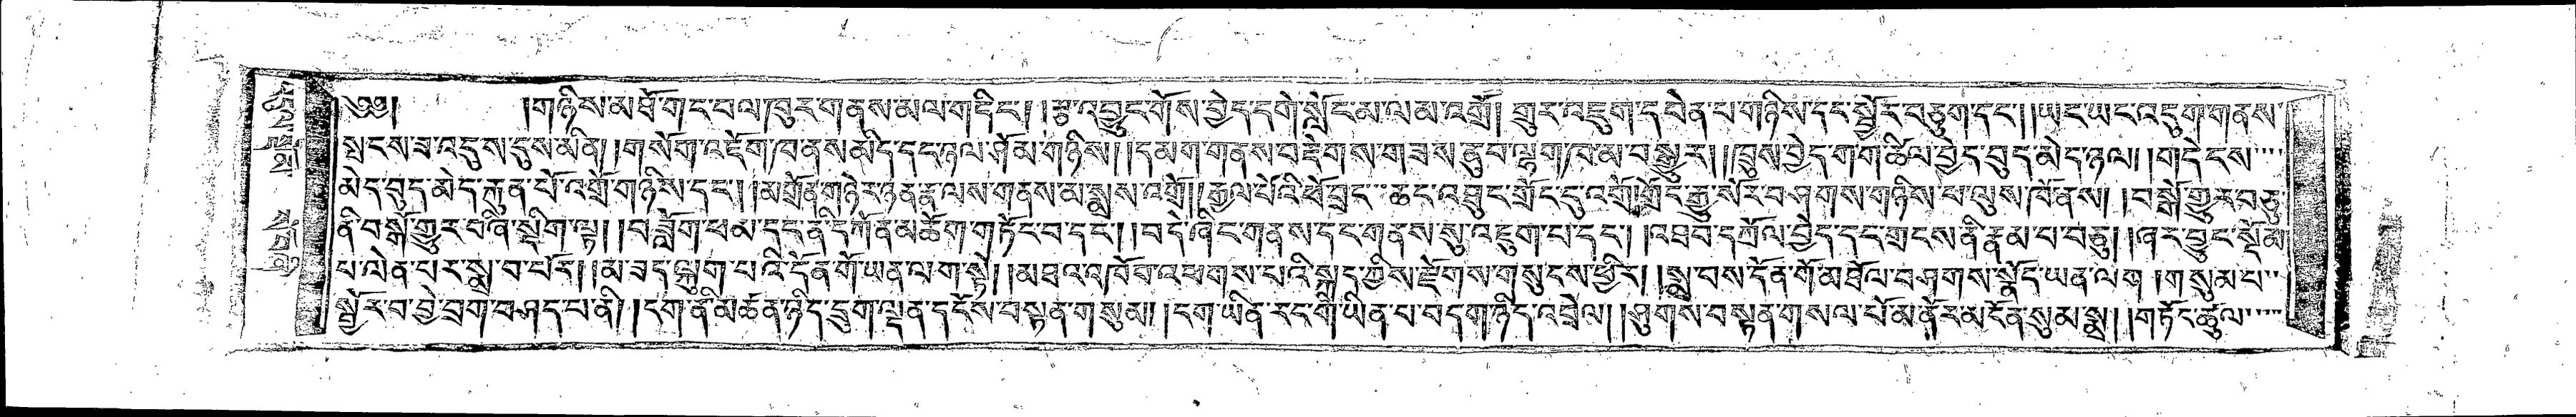༄༅། །གཉིས་མཐོ་གང་བལ་ཁུར་གནས་མལ་གདིང་། །རྩ་འབྱུང་གོས་བྱེད་དགེ་སློང་མ་ལམ་འགྲོ་།གྲུར་འཇུག་དབེན་པ་གཉིས་དང་སྤྱོར་བཅུག་དང་། །ཡང་ཡང་འདུག་གནས་
སྤངས་ཟ་འདུས་དུས་མིན། །གསོག་འཇོག་ཁ་ནས་མིད་དང་ཉལ་ཤོམ་གཉིས། །དམག་གནས་བརྡེགས་གཟས་ནུབ་ལྷག་ཁ་མ་བསྒྱུར། །ཁྲུས་བྱེད་ག་ག་ཚིལ་བྱེད་བུད་མེད་ཉལ། །གདེངས་
མེད་བུད་མེད་རྐུན་པོ་འགྲོ་གཉིས་དང་། །མགྲོན་གཉེར་ཉན་རྣ་ལས་གནས་མ་སྨྲས་འགྲོ། །རྒྱལ་པོའི་ཕོ་བྲང་ཆང་འཐུང་གྲོང་དུ་འགྲོ། །གྲོང་རྒྱུ་སོར་བཤགས་གཉིས་པ་ལུས་ཁོ་ནས། །བསྒོ་གྱུར་བཅུ་
ནི་བསྒོ་གྱུར་བཞི་སྡིག་ལྟ། །བཟློག་ཕམ་དང་ནི་དཀོན་མཆོག་གཏོང་བ་དང་། །བདེ་ཞིང་གནས་དང་གནས་སུ་འཇུག་པ་དང་། །འཐབ་དཀྲོལ་བྱེད་དང་གྲངས་ནི་རྣམ་པ་བཅུ། །ཞར་བྱུང་སྡོམ་
པ་ལེན་པར་སྨྲ་བ་པོར། །མ་ཟད་ལྐུག་པའི་དོན་གོ་ཡན་ལག་སྟེ། །མཐའ་འཁོབ་འཕགས་པའི་སྐད་ཀྱིས་རྫོགས་གསུངས་ཕྱིར། །སྨྲ་བས་དོན་གོ་མཐོལ་བཤགས་སྣོད་ཡན་ལག །གསུམ་པ་
སྦྱོར་བ་བྱེ་བྲག་བཤད་པ་ནི། །དག་ནི་མཚན་ཉིད་དྲུག་ལྡན་དངོས་བསྟན་གསུམ། །ངག་ཡིན་རང་གི་ཡིན་པ་བདག་ཉིད་འབྲེལ། །ཤུགས་བསྟན་གསལ་པོ་མ་ནོར་མངོན་སུམ་སྨྲ། །གཏོང་ཚུལ་